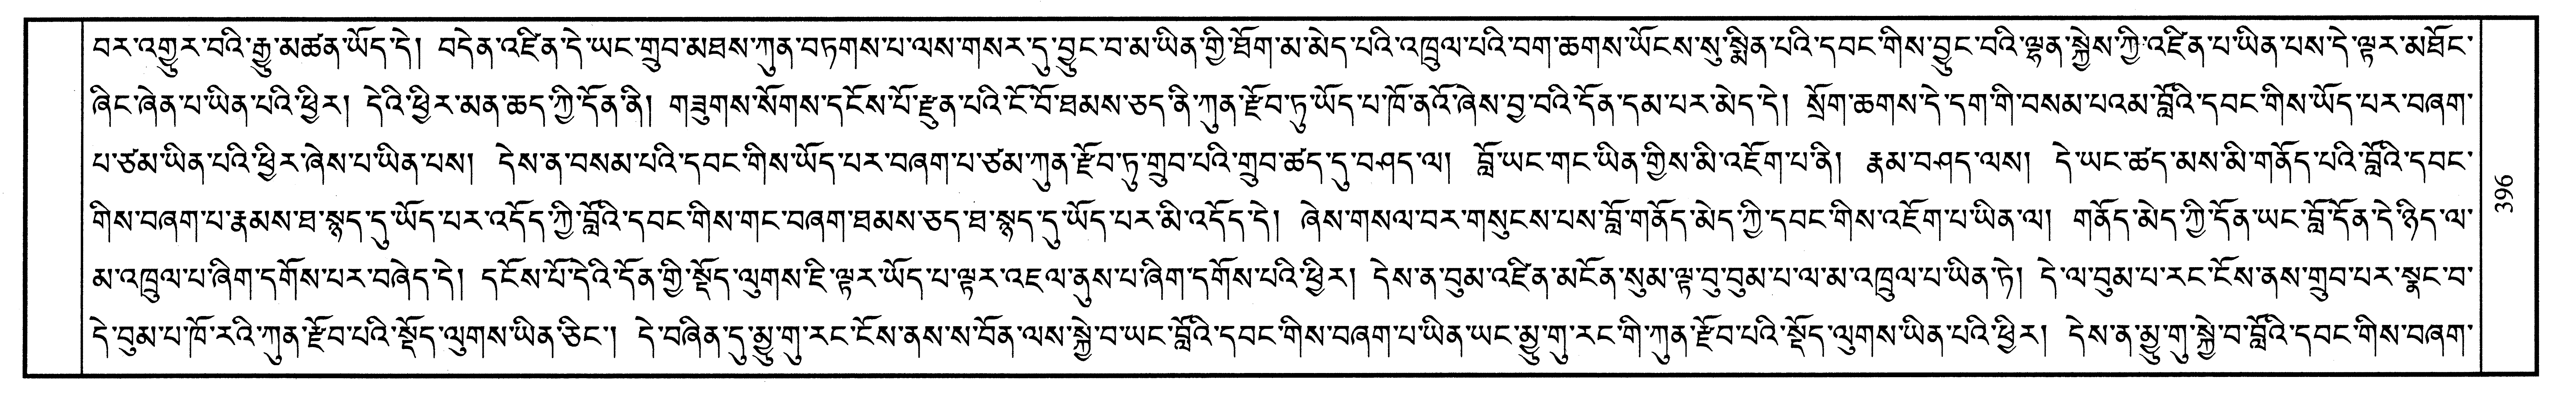བར་འགྱུར་བའི་རྒྱུ་མཚན་ཡོད་དེ། བདེན་འཛིན་དེ་ཡང་གྲུབ་མཐས་ཀུན་བཏགས་པ་ལས་གསར་དུ་བྱུང་བ་མ་ཡིན་གྱི་ཐོག་མ་མེད་པའི་འཁྲུལ་པའི་བག་ཆགས་ཡོངས་སུ་སྨིན་པའི་དབང་གིས་བྱུང་བའི་ལྷན་སྐྱེས་ཀྱི་འཛིན་པ་ཡིན་པས་དེ་ལྟར་མཐོང་
ཞིང་ཞེན་པ་ཡིན་པའི་ཕྱིར། དེའི་ཕྱིར་མན་ཆད་ཀྱི་དོན་ནི། གཟུགས་སོགས་དངོས་པོ་རྫུན་པའི་ངོ་བོ་ཐམས་ཅད་ནི་ཀུན་རྫོབ་ཏུ་ཡོད་པ་ཁོ་ནའོ་ཞེས་བྱ་བའི་དོན་དམ་པར་མེད་དེ། སྲོག་ཆགས་དེ་དག་གི་བསམ་པའམ་བློའི་དབང་གིས་ཡོད་པར་བཞག་
པ་ཙམ་ཡིན་པའི་ཕྱིར་ཞེས་པ་ཡིན་པས། དེས་ན་བསམ་པའི་དབང་གིས་ཡོད་པར་བཞག་པ་ཙམ་དུ་ཀུན་རྫོབ་ཏུ་གྲུབ་པའི་གྲུབ་ཚད་དུ་བཤད། བློ་ཡང་གང་ཡིན་གྱིས་མི་འཇོག་པ་ནི། རྣམ་བཤད་ལས། དེ་ཡང་ཚད་མས་མི་གནོད་པའི་བློའི་དབང་
གིས་བཞག་པ་རྣམས་ཐ་སྙད་དུ་ཡོད་པར་འདོད་ཀྱི་བློའི་དབང་གིས་གང་བཞག་ཐམས་ཅད་ཐ་སྙད་དུ་ཡོད་པར་མི་འདོད་དེ། ཞེས་གསལ་བར་གསུངས་པས་བློ་གནོད་མེད་ཀྱི་དབང་གིས་འཇོག་པ་ཡིན་ལ། གནོད་མེད་ཀྱི་དོན་ཡང་བློ་དོན་དེ་ཉིད་ལ་
མ་འཁྲུལ་པ་ཞིག་དགོས་པར་བཞེད་དེ། དངོས་པོ་དེའི་དོན་གྱི་སྡོད་ལུགས་ཇི་ལྟར་ཡོད་པ་ལྟར་འཇལ་ནུས་པ་ཞིག་དགོས་པའི་ཕྱིར། དེས་ན་བུམ་འཛིན་མངོན་སུམ་ལྟ་བུ་བུམ་པ་ལ་མ་འཁྲུལ་པ་ཡིན་ཏེ། དེ་ལ་བུམ་པ་རང་ངོས་ནས་གྲུབ་པར་སྣང་བ་
དེ་བུམ་པ་ཁོ་རའི་ཀུན་རྫོབ་པའི་སྡོད་ལུགས་ཡིན་ཅིང་། དེ་བཞིན་དུ་མྱུ་གུ་རང་ངོས་ནས་ས་བོན་ལས་སྐྱེ་བ་ཡང་བློའི་དབང་གིས་བཞག་པ་ཡིན་ཡང་མྱུ་གུ་རང་གི་ཀུན་རྫོབ་པའི་སྡོད་ལུགས་ཡིན་པའི་ཕྱིར། དེས་ན་མྱུ་གུ་སྐྱེ་བ་བློའི་དབང་གིས་བཞག་